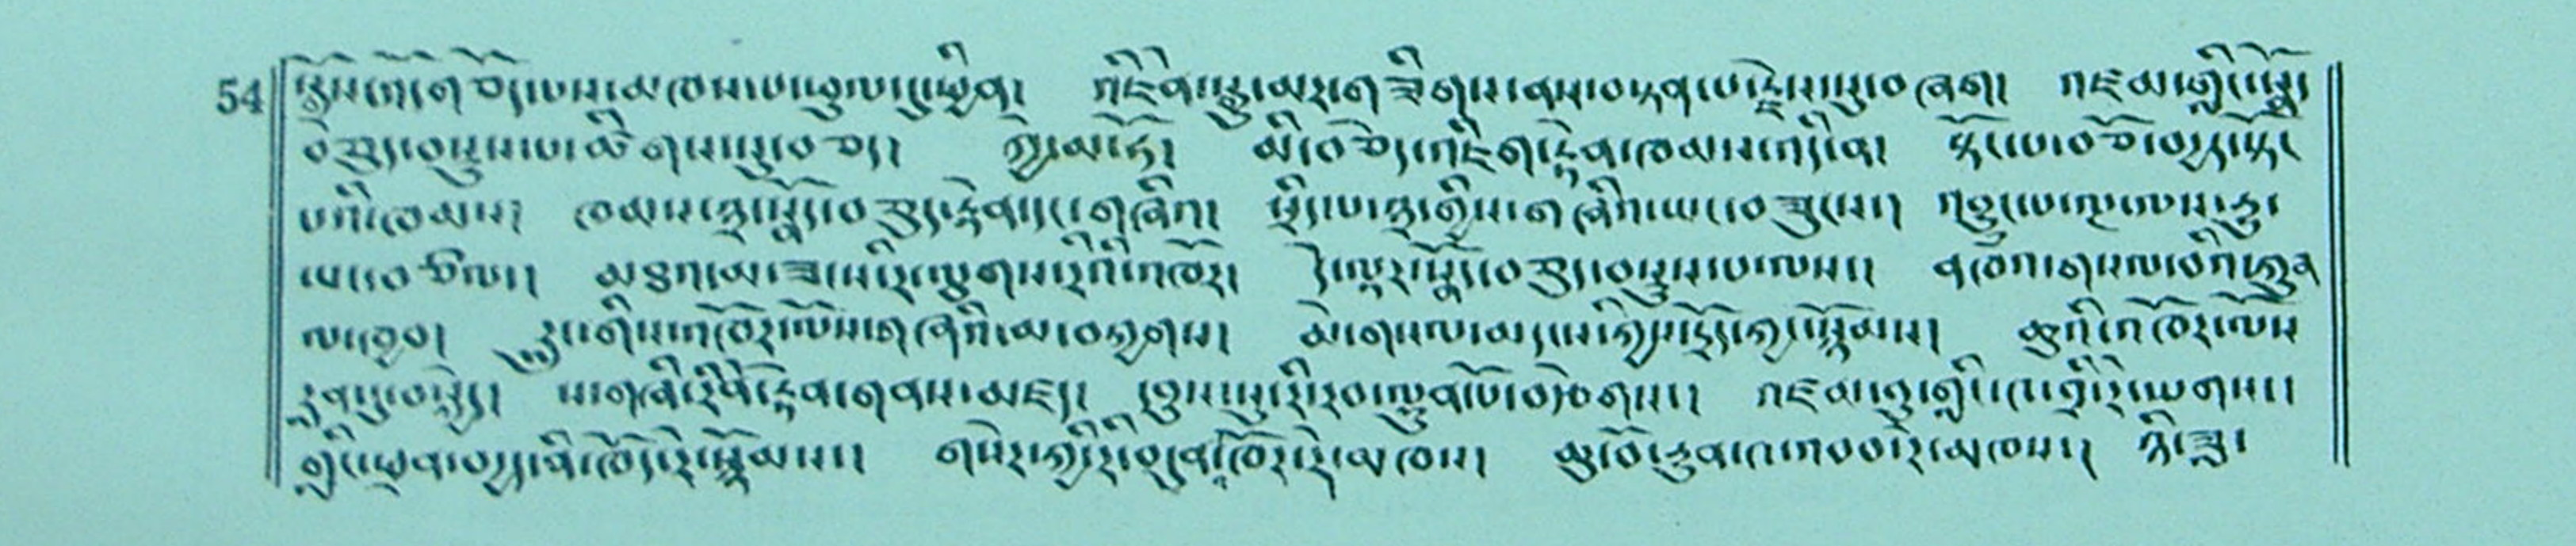༄༅། །སྒྲོས་འདོགས་གཅོད་པའི་མཁས་པ་ཕུལ་དུ་ཕྱིན། འཇིག་རྟེན་སྒྱུ་མར་གཟིགས་ནས་བསྟན་པ་རྗེས་སུ་བཞག འཛམ་གླིང་སྣོད་
བཅུད་བསྡུས་པ་ཚིགས་སུ་བཅད། ཨེ་མ་ཧོ། མི་བཅེད་འཇིག་རྟེན་ཁམས་འདི་ན། སྟོང་བ་བཅོ་བརྒྱད་སྟོང་
བའི་ཁམས། ཁམས་གསུམ་སྣོད་བཅུད་རྟེན་དང་གཞིའ། སྲིད་པ་གསུམ་གྱི་གཞི་ཡང་བཟུངས། འབྱུང་བ་ལྔ་ལས་རྒྱུ་
ཡང་བཙལ། མཐའ་མ་ཟངས་རི་ལྕགས་རིའི་འཁོར། དེ་ལྟར་སྣོད་བཅུད་བསྡུས་པ་ལས། ནམ་མཁའ་གསལ་བའི་ཀུན་
ལ་ཁྱབ། རླུང་གི་འཁོར་ལོས་གཞི་མ་བཀྱགས། མེ་གསལ་མདངས་ཀྱིས་དྲོད་ཀྱང་སྙོམས། ཆུ་ཡི་འཁོར་ལོས་
རླན་དུ་བསྐྱེད། ས་གཞི་རིན་ཆེན་རྟེན་གནས་མཛད། དབུས་སུ་རི་རབ་ལྷུན་པོ་བརྩིགས། འཛམ་བུ་གླིང་བཞི་བྲི་རེ་ཡགས། 
གླིང་ཕྲན་བརྒྱད་ནི་ཁོད་རེ་སྙོམས། གསེར་གྱི་རི་བདུན་འཁོར་རེ་མཁས། ཆུ་བོ་རྒྱུན་བཞི་འབབ་རེ་མཁས། ཉི་ཟླ་